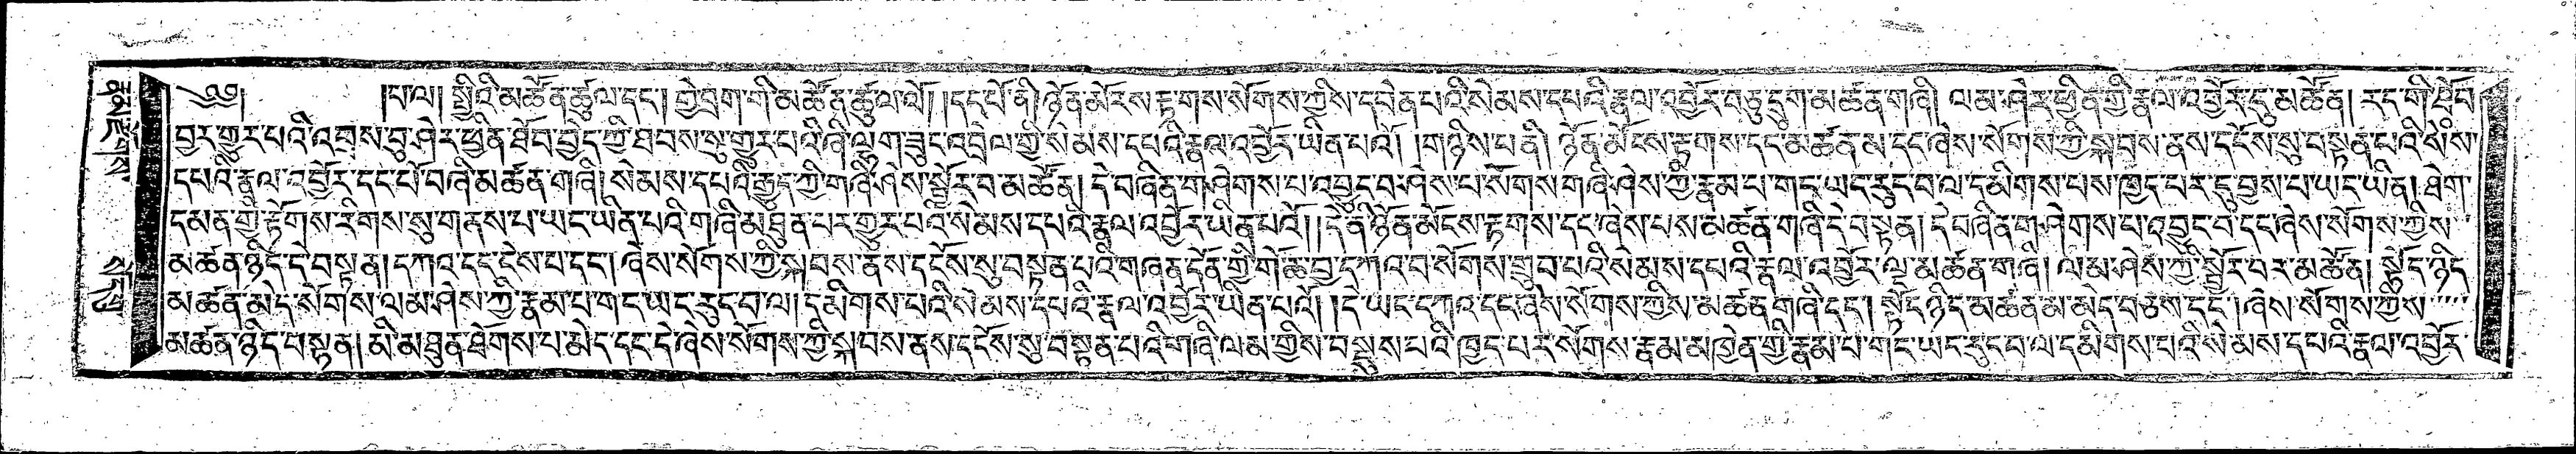༄༅། །པ་ལ། སྤྱིའི་མཚོན་ཚུལ་དང་། བྱེ་བྲག་གི་མཚོན་ཚུལ་ལོ། །དང་པོ་ནི། ཉོན་མོངས་རྟགས་སོགས་ཀྱིས་དབེན་པའི་སེམས་དཔའི་རྣལ་འབྱོར་བཅུ་དྲུག་མཚན་གཞི། ལམ་ཤེར་ཕྱིན་གྱི་རྣལ་འབྱོར་དུ་མཚོན། རང་གི་ཐོབ་
བྱར་གྱུར་པའི་འབྲས་བུ་ཤེར་ཕྱིན་ཐོབ་བྱེད་ཀྱི་ཐབས་སུ་གྱུར་པའི་ཞི་ལྷག་ཟུང་འབྲེལ་གྱི་སེམས་དཔའི་རྣལ་འབྱོར་ཡིན་པའོ། །གཉིས་པ་ནི། ཉོན་མོངས་རྟགས་དང་མཚན་མ་དང་ཞེས་སོགས་ཀྱི་སྐབས་ནས་དངོས་སུ་བསྟན་པའི་སེམས་
དཔའི་རྣལ་འབྱོར་དང་པོ་བཞི་མཚན་གཞི། སེམས་དཔའི་རྒྱུད་ཀྱི་གཞི་ཤེས་སྦྱོར་བ་མཚོན། དེ་བཞིན་གཤེགས་པ་འབྱུང་བ་ཤེས་པ་སོགས་གཞི་ཤེས་ཀྱི་རྣམ་པ་གང་ཡང་རུང་བ་ལ་དམིགས་པས་ཁྱད་པར་དུ་བྱས་པ་ཡང་ཡིན། ཐེག་
དམན་གྱི་རྟོགས་རིགས་སུ་གནས་པ་ཡང་ཡིན་པའི་གཞི་མཐུན་པར་གྱུར་པའི་སེམས་དཔའི་རྣལ་འབྱོར་ཡིན་པའོ། །དེ་ནི་ཉོན་མོངས་རྟགས་དང་ཞེས་པས་མཚན་གཞི་དེ་བསྟན། དེ་བཞིན་གཤེགས་པ་འབྱུང་བ་དང་ཞེས་སོགས་ཀྱིས་
མཚན་ཉིད་དེ་བསྟན། དཀའ་དང་ངེས་པ་དང་། ཞེས་སོགས་ཀྱི་སྐབས་ནས་དངོས་སུ་བསྟན་པའི་གཞན་དོན་གྱི་གོ་ཆ་བྱ་དཀའ་བ་སོགས་གྲུབ་པའི་སེམས་དཔའི་རྣལ་འབྱོར་ལྔ་མཚན་གཞི། ལམ་ཤེས་ཀྱི་སྦྱོར་བར་མཚོན། སྟོང་ཉིད་
མཚན་མེད་སོགས་ལམ་ཤེས་ཀྱི་རྣམ་པ་གང་ཡང་རུང་བ་ལ། དམིགས་པའི་སེམས་དཔའི་རྣལ་འབྱོར་ཡིན་པའོ། །དེ་ཡང་དཀའ་དང་ཞེས་སོགས་ཀྱིས་མཚན་གཞི་དང་། སྟོང་ཉིད་མཚན་མ་མེད་བཅས་དང་། ཞེས་སོགས་ཀྱིས་
མཚན་ཉིད་བསྟན། མི་མཐུན་ཐོགས་པ་མེད་དང་དེ་ཞེས་སོགས་ཀྱི་སྐབས་ནས་དངོས་སུ་བསྟན་པའི་གཞི་ལམ་གྱིས་བསྡུས་པའི་ཁྱད་པར་སོགས་རྣམ་མཁྱེན་གྱི་རྣམ་པ་གང་ཡང་རུང་བ་ལ་དམིགས་པའི་སེམས་དཔའི་རྣལ་འབྱོར་